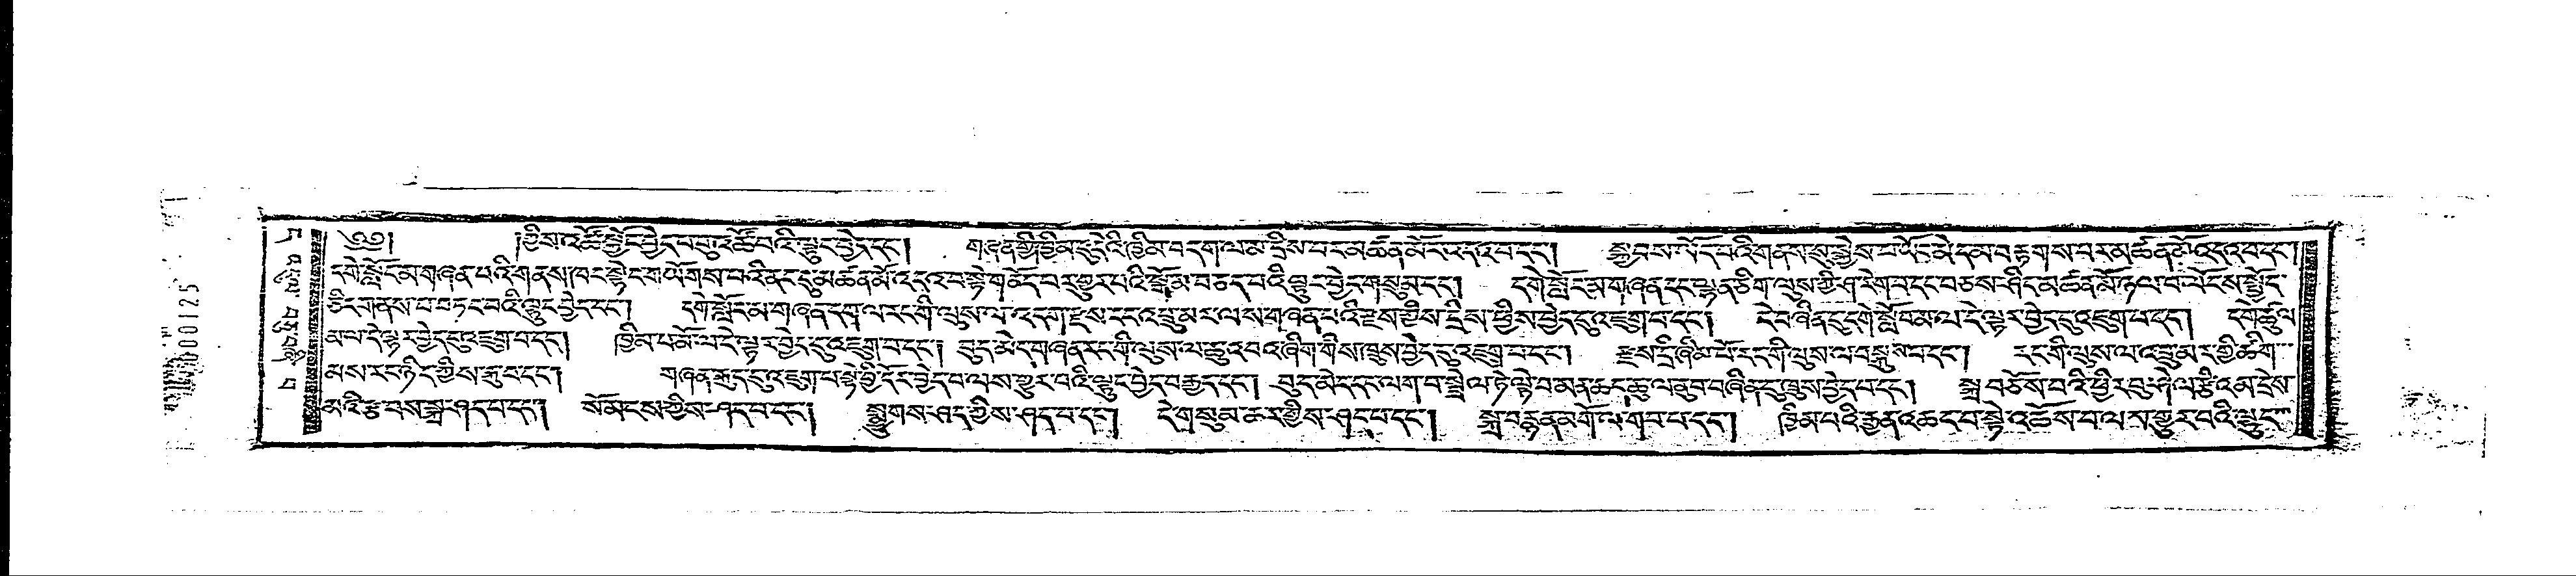༄༅། །ཀྱིས་འཚོ་སྐྱོང་བྱེད་པ་བུ་འཚོ་བའི་ལྟུང་བྱེད་དང་། གཞན་གྱི་ཁྱིམ་དུ་དེའི་ཁྱིམ་བདག་ལ་མ་དྲིས་པར་མཚན་མོར་འདའ་བ་དང་། སྐྱབས་ཡོད་པའི་གནས་སུ་སྐྱེས་པ་ཡོང་མེད་མ་བརྟགས་པར་མཚན་མོ་འདའ་བ་དང་།
དགེ་སློང་མ་གཞན་པའི་གནས་ཁང་སྟེང་གཡོགས་པའི་ནང་དུ་མཚན་མོ་འདའ་བ་སྟེ་གནོད་པར་གྱུར་པའི་སྒོམ་བཅད་པའི་ལྟུང་བྱེད་གསུམ་དང་། དགེ་སློང་མ་གཞན་དང་ལྷན་ཅིག་ལུས་ཀྱི་ཤ་རེག་བ་དང་བཅས་ཤིང་མཚན་མོ་ཉལ་བ་ལོངས་སྤྱོད་
ཅིང་གནས་པ་བཏང་བའི་ལྟུང་བྱེད་དང་། དགེ་སློང་མ་གཞན་དག་ལ་རང་གི་ལུས་ལ་འདག་རྫས་དང་འབྲུ་མར་ལས་གཞན་པའི་རྫས་ཀྱིས་དྲིས་ཕྱིས་བྱེད་དུ་འཇུག་པ་དང་། དེ་བཞིན་དུ་དགེ་སློབ་མ་ལ་དེ་ལྟར་བྱེད་དུ་འཇུག་པ་དང་། དགེ་ཚུལ་
མ་ལ་དེ་ལྟར་བྱེད་དུ་འཇུག་པ་དང་། ཁྱིམ་པ་མོ་ལ་དེ་ལྟར་བྱེད་དུ་འཇུག་པ་དང་། བུད་མེད་གཞན་རང་གི་ལུས་ལ་ཆུ་འབའ་ཞིག་གིས་ཁྲུས་བྱེད་དུ་འཇུག་པ་དང་། རྫས་དྲི་ཞིམ་པོ་རང་གི་ལུས་ལ་བསྐུས་པ་དང་། རང་གི་ལུས་ལ་འབྲུ་མར་གྱི་ཚིག་
མས་རང་ཉིད་ཀྱིས་རྐུ་བ་དང་། གཞན་རྐུད་དུ་འཇུག་པ་སྟེ་བྱི་དོར་བྱེད་པ་ལས་གྱུར་པའི་ལྟུང་བྱེད་བརྒྱད་དང་། བུད་མེད་དང་ལག་པ་སྦྲེལ་ཏེ་ལྟེ་བ་མན་ཆད་ཆུ་ལ་ནུབ་བཞིན་དུ་ཁྲུས་བྱེད་པ་དང་། སྐྲ་བཅོས་པའི་ཕྱིར་བུ་ཤེལ་རྩི་འམ་དྲེས་
མའི་རྩ་བས་སྐྲ་ཤད་པ་དང་། སོ་མ་ངས་ཀྱིས་ཤད་པ་དང་། སྨྱུགས་ཤད་ཀྱིས་ཤད་པ་དང་། དེ་གསུམ་ཆར་གྱིས་ཤད་པ་དང་། སྐྲ་བརྙན་མགོ་ལ་གབ་པ་དང་། ཁྱིམ་པའི་རྒྱན་འཆད་བ་སྟེ་འཆོས་པ་ལས་གྱུར་པའི་ལྟུང་